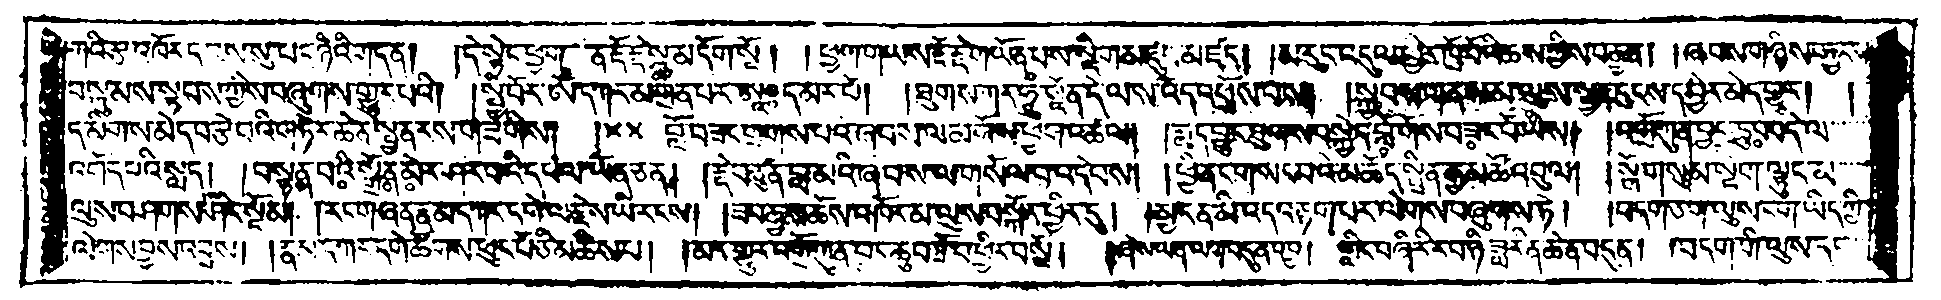ཀའི་རྩ་འཁོར་དབུས་སུ་པད་ཉིའི་གདན། །དེ་སྟེང་ཕྱག་ན་རྡོ་རྗེ་སྐུ་མདོག་སྔོ། །ཕྱག་གཡས་རྡོ་རྗེ་གཡོན་པས་སྡིག་མཛུབ་མཛད། །མ་རུང་འདུལ་ཕྱིར་ཁྲོ་བོའི་ཆོས་ཀྱིས་བརྒྱན། །ཞབས་གཉིས་བརྐྱངས་
བསྐུམས་སྟབས་ཀྱིས་བཞུགས་གྱུར་པའི། །སྤྱི་བོར་ཨོཾ་དཀར་མགྲིན་པར་ཨཱཿ དམར་པོ། །ཐུགས་ཀར་ཧཱུཾ་སྔོན་དེ་ལས་འོད་འཕྲོས་པས། །སྐྱབས་གནས་མ་ལུས་སྤྱན་དྲངས་དབྱེར་མེད་གྱུར། །
དམིགས་མེད་བརྩེ་བའི་གཏེར་ཆེན་སྤྱན་རས་གཟིགས། །྾་྾་བློ་བཟང་གྲགས་པའི་ཞབས་ལ་མགོས་ཕྱག་འཚལ། །རྨད་བྱུང་ཐུགས་བསྐྱེད་བློ྾་གོས་བཟང྾་པོ་ཡིས། །འགྲོ་ཀུན་བྱང྾་ཆུབ྾་བདེ་ལ་
འགོད་པའི་སླད། །བསྟན྾་བའི྾་སྒྲོན྾་མེར྾་ཤར་བའི་དཔལ་ཡོན་ཅན། །རྗེ་བཙུན་བླ་མའི་ཞབས་ལ་གསོལ་བ་འདེབས། །ཕྱི་ནང་གསང་བའི་མཆོད་སྤྲིན་རྒྱ་མཚོ་འབུལ། །སྒོ་གསུམ་སྡིག་ལྟུང་མ་
ལུས་བཤགས་ཤིང་སྡོམ། །རང་གཞན་རྣམ་དཀར་དགེ་ལ་རྗེས་ཡི་རངས། །ཟབ་རྒྱས་ཆོས་འཁོར་མ་ལུས་བསྐོར་ཕྱིར་དུ། །མྱ་ངན་མི་འདའ་རྟག་པར་ལེགས་བཞུགས་ཏེ། །བདག་ཅག་ལུས་ངག་ཡིད་ཀྱི་
ལེགས་བྱས་འབྲས། །རྣམ་དཀར་དགེ་ཚོགས་ཕུང་པོ་ཅི་མཆིས་པ། །མར་གྱུར་འགྲོ་ཀུན་བྱང་ཆུབ་ཐོབ་ཕྱིར་བསྔོ། །ཞེས་ཡན་ལག་བདུན་པ་བྱ། གླིང་བཞི་རི་རབ་ཉི་ཟླ་རིན་ཆེན་བདུན། །བདག་གི་ལུས་དང་